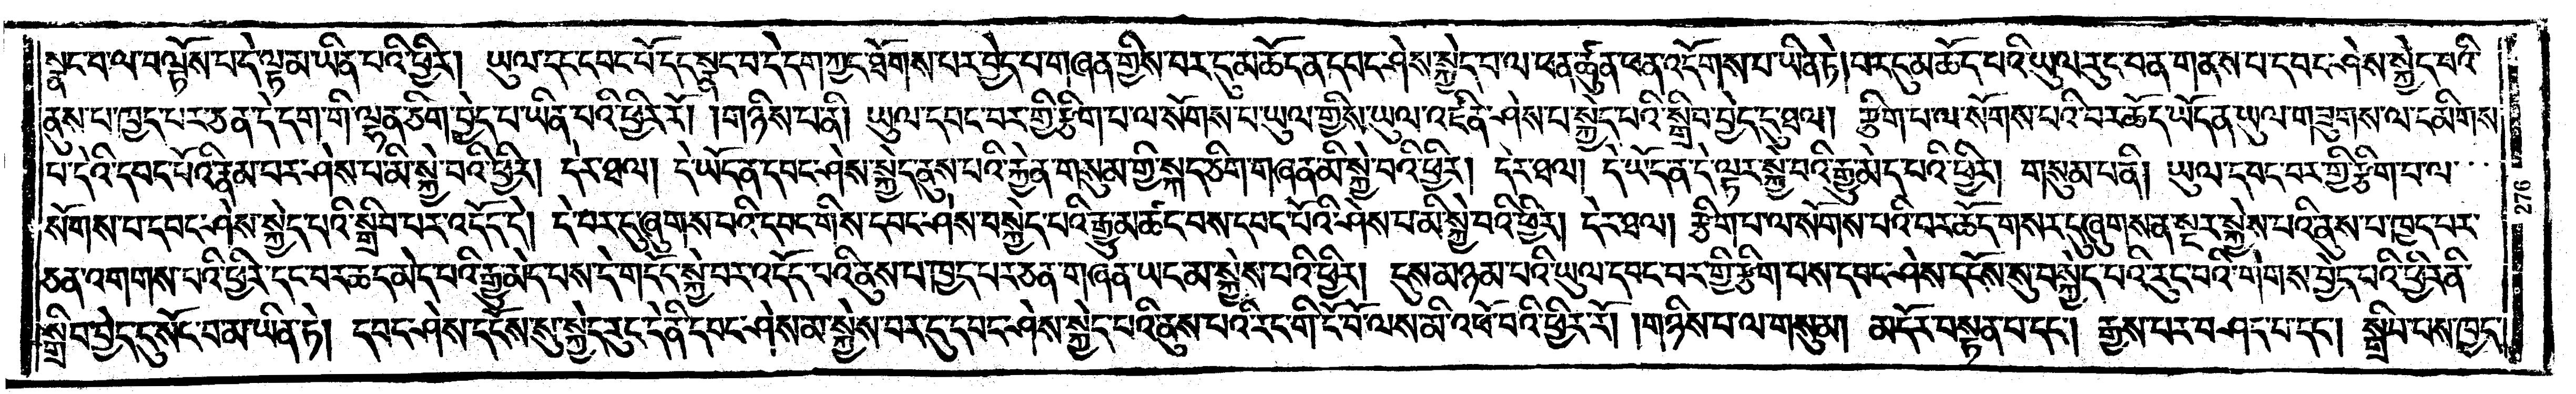སྣང་བ་ལ་བལྟོས་པ་དེ་ལྟ་མ་ཡིན་པའི་ཕྱིར། ཡུལ་དང་དབང་པོ་དང་སྣང་བ་དེ་དག་ཀྱང་ཐོགས་པར་བྱེད་པ་གཞན་གྱིས་བར་དུ་མཆོད་ན་དབང་ཤེས་སྐྱེད་བ་ལ་ཕན་ཚུན་ཕན་འདོགས་པ་ཡིན་ཏེ། བར་དུ་མཆོད་པའི་ཡུལ་རུང་བ་ན་གནས་པ་དབང་ཤེས་སྐྱེད་པའི་
ནུས་པ་ཁྱད་པར་ཅན་དེ་དག་གི་ལྷན་ཅིག་བྱེད་པ་ཡིན་པའི་ཕྱིར་རོ། །གཉིས་པ་ནི། ཡུལ་དབང་བར་གྱི་རྩིག་པ་ལ་སོགས་པ་ཡུལ་གྱིས་ཡུལ་འཛིན་ཤེས་པ་སྐྱེད་པའི་སྒྲིབ་བྱེད་དུ་ཐལ། རྩིག་པ་ལ་སོགས་པའི་བར་ཆོད་ཡོད་ན་ཡུལ་གཟུགས་ལ་དམིགས་
པ་དེའི་དབང་པོའི་རྣམ་པར་ཤེས་པ་མི་སྐྱེ་བའི་ཕྱིར། དེར་ཐལ། དེ་ཡོད་ན་དབང་ཤེས་སྐྱེད་ནུས་པའི་རྐྱེན་གསུམ་གྱི་སྐད་ཅིག་གཞན་མི་སྐྱེ་བའི་ཕྱིར། དེར་ཐལ། དེ་ཡོད་ན་དེ་ལྟར་སྐྱེ་བའི་རྒྱུ་མེད་པའི་ཕྱིར། གསུམ་པ་ནི། ཡུལ་དབང་བར་གྱི་རྩིག་པ་ལ་
སོགས་པ་དབང་ཤེས་སྐྱེད་པའི་སྒྲིབ་པར་འདོད་དེ། དེ་བར་དུ་ཞུགས་པའི་དབང་གིས་དབང་ཤེས་བསྐྱེད་པའི་རྒྱུ་མཚང་བས་དབང་པོའི་ཤེས་པ་མི་སྐྱེ་བའི་ཕྱིར། དེར་ཐལ། རྩིག་པ་ལ་སོགས་པའི་བར་ཆོད་གསར་དུ་ཞུགས་ན་སྔར་སྐྱེས་པའི་ནུས་པ་ཁྱད་པར་
ཅན་འགགས་པའི་ཕྱིར་དང་བར་ཆད་མེད་པའི་རྒྱུ་མེད་པས་དེ་གདོད་སྐྱེ་བར་འདོད་པའི་ནུས་པ་ཁྱད་པར་ཅན་གཞན་ཡང་མ་སྐྱེས་པའི་ཕྱིར། དུས་མཉམ་པའི་ཡུལ་དབང་པར་གྱི་རྩིག་པས་དབང་ཤེས་དངོས་སུ་བསྐྱེད་པའི་རུང་བའི་གེགས་བྱེད་པའི་ཕྱིར་ནི་
སྒྲིབ་བྱེད་དུ་སོང་བ་མ་ཡིན་ཏེ། དབང་ཤེས་དངོས་སུ་སྐྱེད་རུང་དེ་ནི་དབང་ཤེས་མ་སྐྱེས་བར་དུ་དབང་ཤེས་སྐྱེད་པའི་ནུས་པའི་རང་གི་ངོ་བོ་ལས་མི་འཕོ་བའི་ཕྱིར་རོ། །གཉིས་པ་ལ་གསུམ། མདོར་བསྟན་པ་དང་། རྒྱས་པར་བཤད་པ་དང་། སྒྲིབ་པས་ཁྱད་